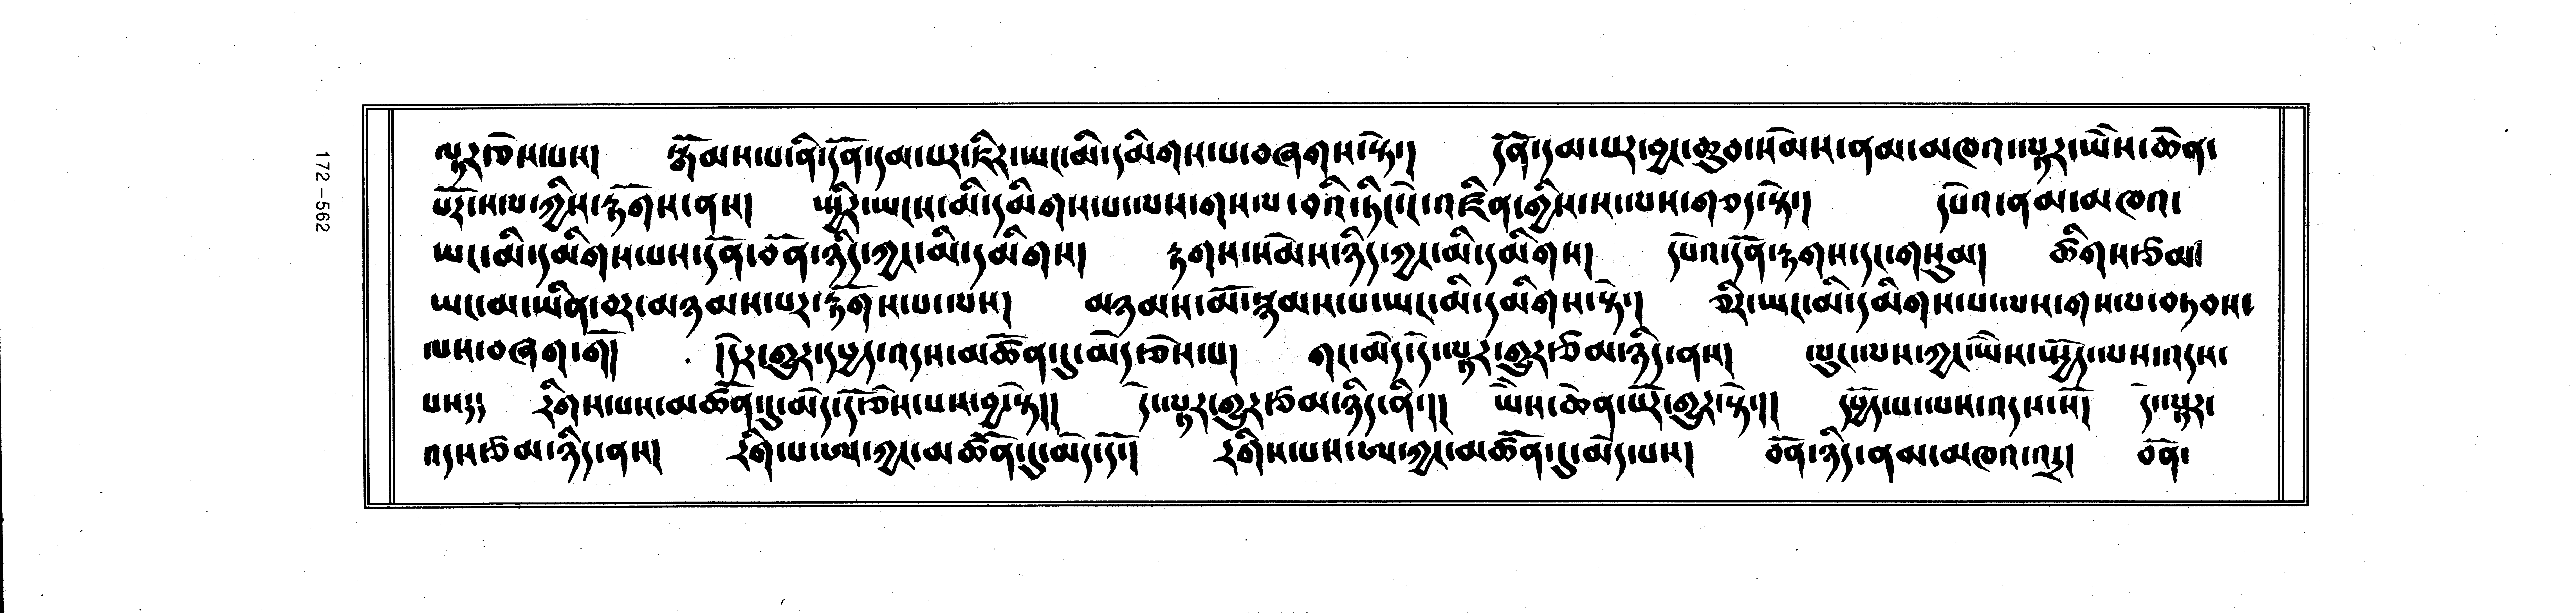ལྟར་ཅེས་པས། སྒོམས་པ་ནི་དོན་དམ་པར་ཇིར་ཡང་མི་དམིགས་པ་བཞགས་སྟེ། དོན་དམ་པར་བྱང་ཆུབ་སེམས་ནམ་མཁའ་ལྟར་ཡེ་ཤེས་ཆེན་
པོར་སལ་ཀྱིས་རྟོགས་ནས། སྤྱིར་ཡངས་མི་དམིགས་པ་ལས་གསལ་བའི་ཏིང་ངེ་འཛིན་གྱིས་ས་ལས་གཅད་སྟེ། དཔེའ་ནམ་མཁའ་
ཡང་མི་དམིགས་པས་དོན་བོན་ཉིད་ཀྱང་མི་དམིགས། བརྟགས་སེམས་ཉིད་ཀྱང་མི་དམིགས། དཔེའ་དོན་བརྟགས་དང་གསུམ། ཚིག་ཙམ་
ཡང་མ་ཡིན་བར་མཉམ་པར་རྟོགས་པ་ལས། མཉམ་མོ་སྙམས་པ་ཡང་མི་དམིགས་སྟེ། ཅིར་ཡང་མི་དམིགས་པ་ལས་གསལ་བཏབས་
ལས་བཞག་གོ། དེར་གྱུར་དཔྱད་འདས་མཚོན་དུ་མེད་ཅེས་པ། གང་མེད་དེ་ལྟར་གྱུར་ཙམ་ཉིད་ནས། ལུང་ལས་ཀྱང་ཡེ་ཤེས་སྤྱོད་ལས་འདས་
པས། རིག་པས་མཚོན་དུ་མེད་དོ་ཅེས་པས་བྱ་སྟེ། དེ་ལྟར་གྱུར་ཙམ་ཉིད་ནི། ཡེ་ཤེས་ཆེན་པོར་གྱུར་སྟེ། དཔྱོད་པ་ལས་འདས་སོ། དེ་ལྟར་
འདས་ཙམ་ཉིད་ནས། རིག་པ་ཨ་ཀྱང་མཚོན་དུ་མེད་དོ། རིག་པས་ཨ་ཀྱང་མཚོན་དུ་མེད་པས། བོན་ཉིད་ནམ་མཁའ་འདྲ། བོན་